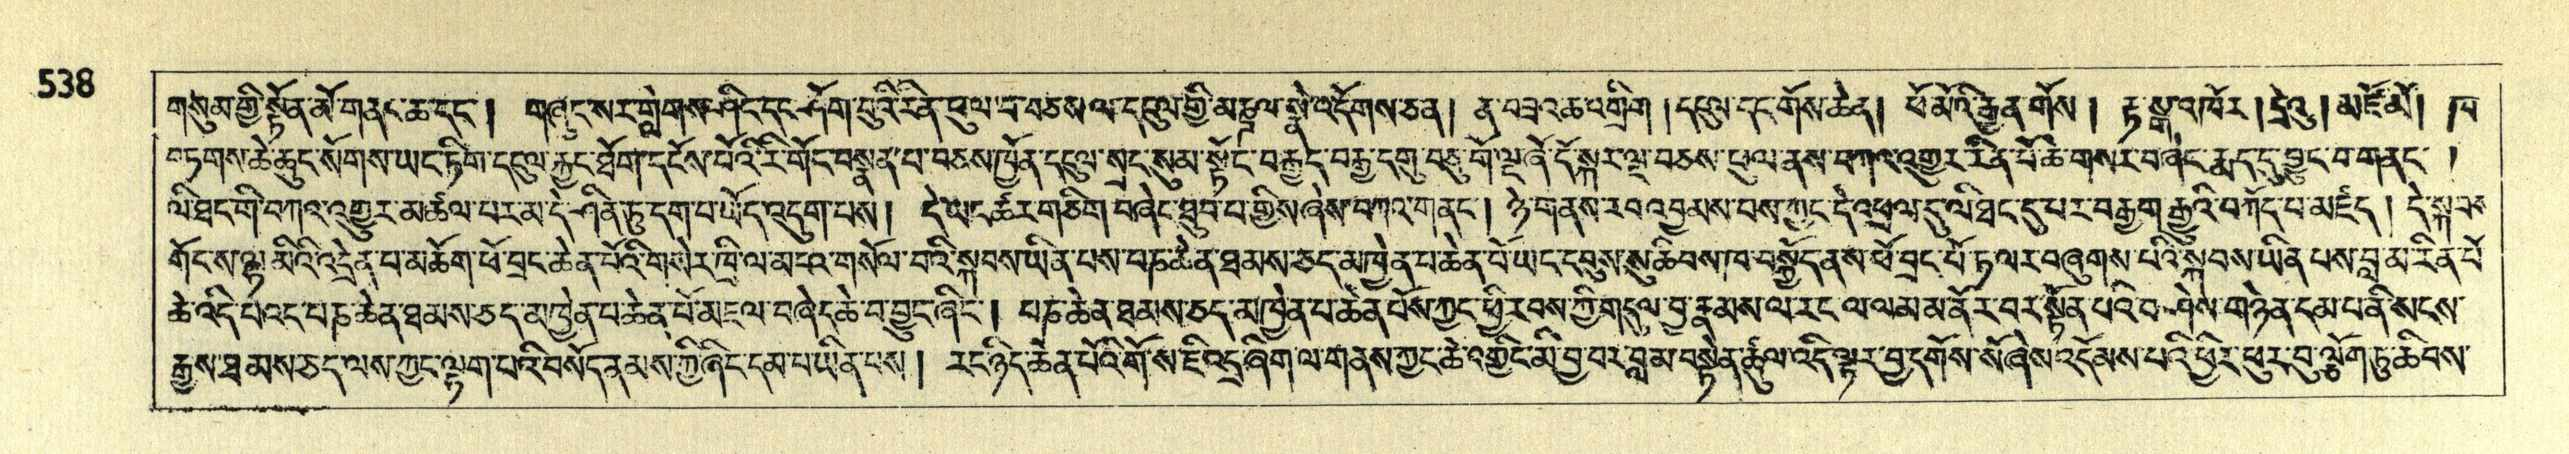གསུམ་གྱི་སྟོན་མོ་གནང་ཆ་དང་། གཞུང་སར་གླེགས་ཤིང་དང་ཤོག་བུའི་རིན་ཕུལ་བ་བཅས་ལ་དངུལ་གྱི་མཎྜལ་སྣེ་འདོགས་ཅན། ན་བཟའ་ཆ་འགྲིག །དངུལ་དང་གོས་ཆེན། ཕོ་མོའི་རྒྱན་གོས། རྟ་སྒ་འཁོར། དྲེའུ། མཛོ་མོ། ཁ་
བཏགས་ཆེ་ཆུང་སོགས་ཡང་ཏིག་དངུལ་རྐྱང་ཐོག་དངོས་པོའི་རི་གོང་བསྣན་པ་བཅས་ཁྱོན་དངུལ་སྲང་སུམ་སྟོང་བརྒྱད་བརྒྱ་དགུ་བཅུ་གོ་ལྔ་ཞོ་དོ་སྐར་ལྔ་བཅས་ཕུལ་ནས་བཀའ་འགྱུར་རིན་པོ་ཆེ་གསར་བཞེང་རྨད་དུ་བྱུང་བ་གནང་།
ལི་ཐང་གི་བཀའ་འགྱུར་མཚལ་པར་མ་དེ་ཤིན་ཏུ་དག་པ་ཡོད་འདུག་པས། དེ་ཡང་ཚར་གཅིག་བཞེང་ཐུབ་པ་གྱིས་ཞེས་བཀའ་གནང་། ཉེ་གནས་རབ་འབྱམས་པས་ཀྱང་དེ་འཕྲལ་དུ་ལི་ཐང་དུ་པར་བརྒྱག་རྒྱུའི་བཀོད་པ་མཛད། དེ་སྐབས་
གོང་ས་ལྷ་མིའི་འདྲེན་པ་མཆོག་ཕོ་བྲང་ཆེན་པོའི་གསེར་ཁྲི་ལ་མངའ་གསོལ་བའི་སྐབས་ཡིན་པས་པཎ་ཆེན་ཐམས་ཅད་མཁྱེན་པ་ཆེན་པོ་ཡང་དབུས་སུ་ཆིབས་ཁ་བསྐྱོད་ནས་ཕོ་བྲང་པོ་ཏ་ལར་བཞུགས་པའི་སྐབས་ཡིན་པས་བླ་མ་རིན་པོ་
ཆེ་འདི་པའང་པཎ་ཆེན་ཐམས་ཅད་མཁྱེན་པ་ཆེན་པོ་མཇལ་བཞེད་ཆེ་བ་བྱུང་ཞིང་། པཎ་ཆེན་ཐམས་ཅད་མཁྱེན་པ་ཆེན་པོས་ཀྱང་ཕྱི་རབས་ཀྱི་གདུལ་བྱ་རྣམས་ལ་རང་ལ་ལམ་མ་ནོར་བར་སྟོན་པའི་བཤེས་གཉེན་དམ་པ་ནི་སངས་
རྒྱས་ཐམས་ཅད་ལས་ཀྱང་ལྷག་པའི་བསོད་ནམས་ཀྱི་ཞིང་དམ་པ་ཡིན་པས། རང་ཉིད་ཆེན་པོའི་གོ་ས་ཇི་འདྲ་ཞིག་ལ་གནས་ཀྱང་ཚེ་འགྱིང་མི་བྱ་བར་བླ་མ་བསྟེན་ཚུལ་འདི་ལྟར་བྱ་དགོས་སོ་ཞེས་འདོམས་པའི་ཕྱིར་ཕུར་བུ་ལྕོག་ཏུ་ཆིབས་